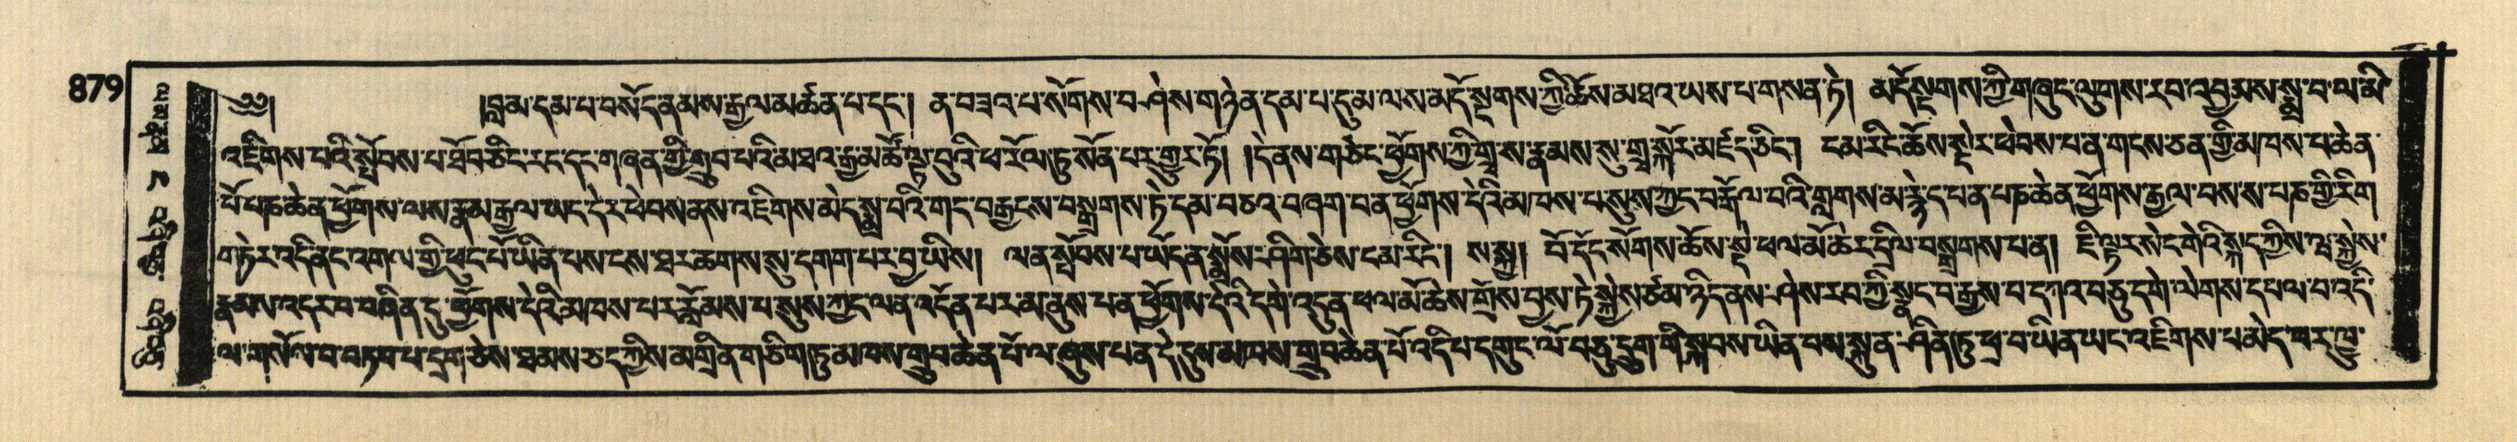༄༅། །བླ་མ་དམ་པ་བསོད་ནམས་རྒྱལ་མཚན་པ་དང་། ན་བཟའ་པ་སོགས་བཤེས་གཉེན་དམ་པ་དུ་མ་ལས་མདོ་སྔགས་ཀྱི་ཆོས་མཐའ་ཡས་པ་གསན་ཏེ། མདོ་སྔགས་ཀྱི་གཞུང་ལུགས་རབ་འབྱམས་སྨྲ་བ་ལ་མི་
འཇིགས་པའི་སྤོབས་པ་ཐོབ་ཅིང་རང་དང་གཞན་གྱི་གྲུབ་པའི་མཐའ་རྒྱ་མཚོ་ལྟ་བུའི་ཕ་རོལ་ཏུ་སོན་པར་གྱུར་ཏོ། །དེ་ནས་གཙང་ཕྱོགས་ཀྱི་གྲྭ་ས་རྣམས་སུ་གྲྭ་སྐོར་མཛད་ཅིང་། ངམ་རིང་ཆོས་སྡེར་ཕེབས་པ་ན་གངས་ཅན་གྱི་མཁས་པ་ཆེན་
པོ་པཎ་ཆེན་ཕྱོགས་ལས་རྣམ་རྒྱལ་ཡང་དེར་ཕེབས་ནས་འཇིགས་མེད་སྨྲ་བའི་གང་བརྒྱངས་བསྒྲགས་ཏེ་དམ་བཅའ་བཞག་བ་ན་ཕྱོགས་དེའི་མཁས་པ་སུས་ཀྱང་བརྒོལ་བའི་གླགས་མ་རྙེད་པ་ན་པཎ་ཆེན་ཕྱོགས་རྒྱལ་བས་ས་པཎ་གྱི་རིག་
གཏེར་འདི་ནང་འགལ་གྱི་ཕུང་པོ་ཡིན་པས་ངས་ཐར་ཆགས་སུ་དགག་པར་བྱ་ཡིས། ལན་སྤོབས་པ་ཡོད་ན་སྨྲོས་ཤིག་ཅེས་ངམ་རིང་། ས་སྐྱ། བོ་དོང་སོགས་ཆོས་སྡེ་ཕལ་མོ་ཆེར་དྲིལ་བསྒྲགས་པ་ན། ཇི་ལྟར་སེང་གེའི་སྐད་ཀྱིས་ཝ་སྐྱེས་
རྣམས་འདར་བ་བཞིན་དུ་ཕྱོགས་དེའི་མཁས་པར་རློམས་པ་སུས་ཀྱང་ལན་འདོན་པར་མ་ནུས་པ་ན་ཕྱོགས་དེའི་དགེ་འདུན་ཕལ་མོ་ཆེས་གྲོས་བྱས་ཏེ་སྐྱེས་ཙམ་ཉིད་ནས་ཤེས་རབ་ཀྱི་སྣང་བ་རྒྱས་བ་དཀའ་བཅུ་དགེ་ལེགས་དཔལ་བ་འདི་
ལ་གསོལ་བ་བཏབ་པ་དྲག་ཅེས་ཐམས་ཅད་ཀྱིས་མགྲིན་གཅིག་ཏུ་མཁས་གྲུབ་ཆེན་པོ་ལ་ཞུས་པ་ན་དེ་དུས་མཁས་གྲུབ་ཆེན་པོ་འདི་པ་དགུང་ལོ་བཅུ་དྲུག་གི་སྐབས་ཡིན་པས་སྐུ་ན་ཤིན་ཏུ་ཕྲ་བ་ཡིན་ཡང་འཇིགས་པ་མེད་བར་ཁྱུ་